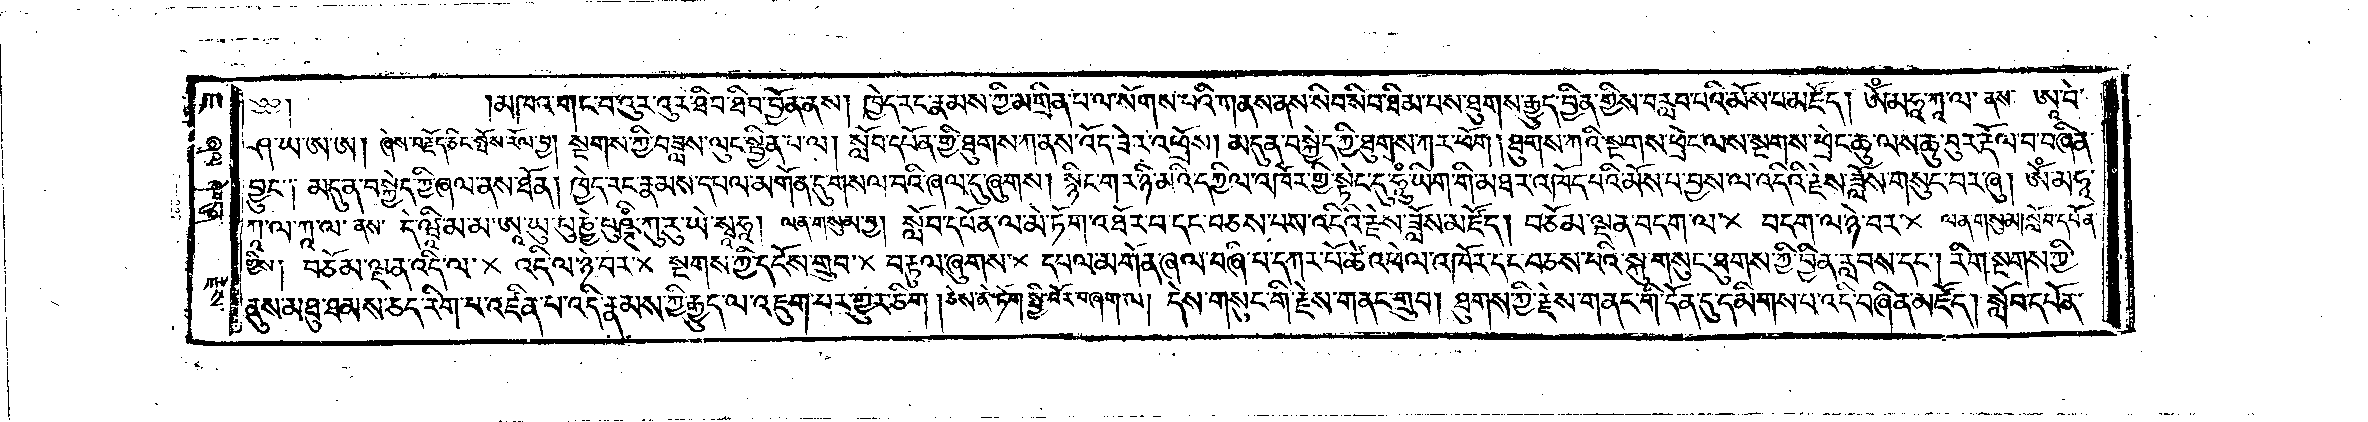༄༅། །མཁའ་གང་བ་འུར་འུར་ཐིབ་ཐིབ་བྱོན་ནས། ཁྱེད་རང་རྣམས་ཀྱི་མགྲིན་པ་ལ་སོགས་པའི་ག་ནས་སིབ་སིབ་ཐིམ་པས་ཐུགས་རྒྱུད་བྱིན་གྱིས་བརླབ་པའི་མོས་པ་མཛོད། ཨོཾ་མཧཱ་ཀཱ་ལ་ནས་ཨཱ་བེ་
ཤ་ཡ་ཨ་ཨ། ཞེས་བརྗོད་ཅིང་སྤོས་རོལ་བྱ།  སྔགས་ཀྱི་བཟླས་ལུང་སྦྱིན་པ་ལ། སློབ་དཔོན་གྱི་ཐུགས་ཀ་ནས་འོད་ཟེར་འཕྲོས། མདུན་བསྐྱེད་ཀྱི་ཐུགས་ཀར་ཕོག །ཐུགས་ཀའི་སྔགས་ཕྲེང་ལས་སྔགས་ཕྲེང་ཆུ་ལ་ཆུ་བུར་རྡོལ་བ་བཞིན་
བྱུང༑ མདུན་བསྐྱེད་ཀྱི་ཞལ་ནས་ཐོན། ཁྱེད་རང་རྣམས་དཔལ་མགོན་དུ་གསལ་བའི་ཞལ་དུ་ཞུགས། སྙིང་གར་ཉི་མའི་དཀྱིལ་འཁོར་གྱི་སྟེང་དུ་ཧཱུཾ་ཡིག་གི་མཐར་འཁོད་པའི་མོས་པ་བྱས་ལ་འདིའི་རྗེས་ཟློས་གསུང་བར་ཞུ། ཨོཾ་མཧཱ་
ཀཱ་ལ་ཀཱ་ལ་ནས་དེ་ཝཱི་མ་མ་ཨཱ་ཡུ་པུཎྱེ་པུཥྚིཾ་ཀུ་རུ་ཡེ་སྭཱཧཱ། ལན་གསུམ་བྱ།  སློབ་དཔོན་ལ་མེ་ཏོག་འཐོར་བ་དང་བཅས་པས་འདིའི་རྗེས་བཟློས་མཛོད། བཅོམ་ལྡན་བདག་ལ྾་བདག་ལ་ཉེ་བར྾་ལན་གསུམ་སློབ་དཔོན་
གྱིས༑ བཅོམ་ལྡན་འདི་ལ྾་འདི་ལ་ཉེ་བར྾་སྔགས་ཀྱི་དངོས་གྲུབ྾་བརྟུལ་ཞུགས྾་དཔལ་མགོན་ཞལ་བཞི་པ་དཀར་པོ་ཚེ་འཕེལ་འཁོར་དང་བཅས་པའི་སྐུ་གསུང་ཐུགས་ཀྱི་བྱིན་རླབས་དང་། རིག་སྔགས་ཀྱི་
ནུས་མཐུ་ཐམས་ཅད་རིག་པ་འཛིན་པ་འདི་རྣམས་ཀྱི་རྒྱུད་ལ་འཇུག་པར་གྱུར་ཅིག་།ཅེས་མེ་ཏོག་སྤྱི་བོར་བཞག་ལ།  དེས་གསུང་གི་རྗེས་གནང་གྲུབ། ཐུགས་ཀྱི་རྗེས་གནང་གི་དོན་དུ་དམིགས་པ་འདི་བཞིན་མཛོད། སློབ་དཔོན་